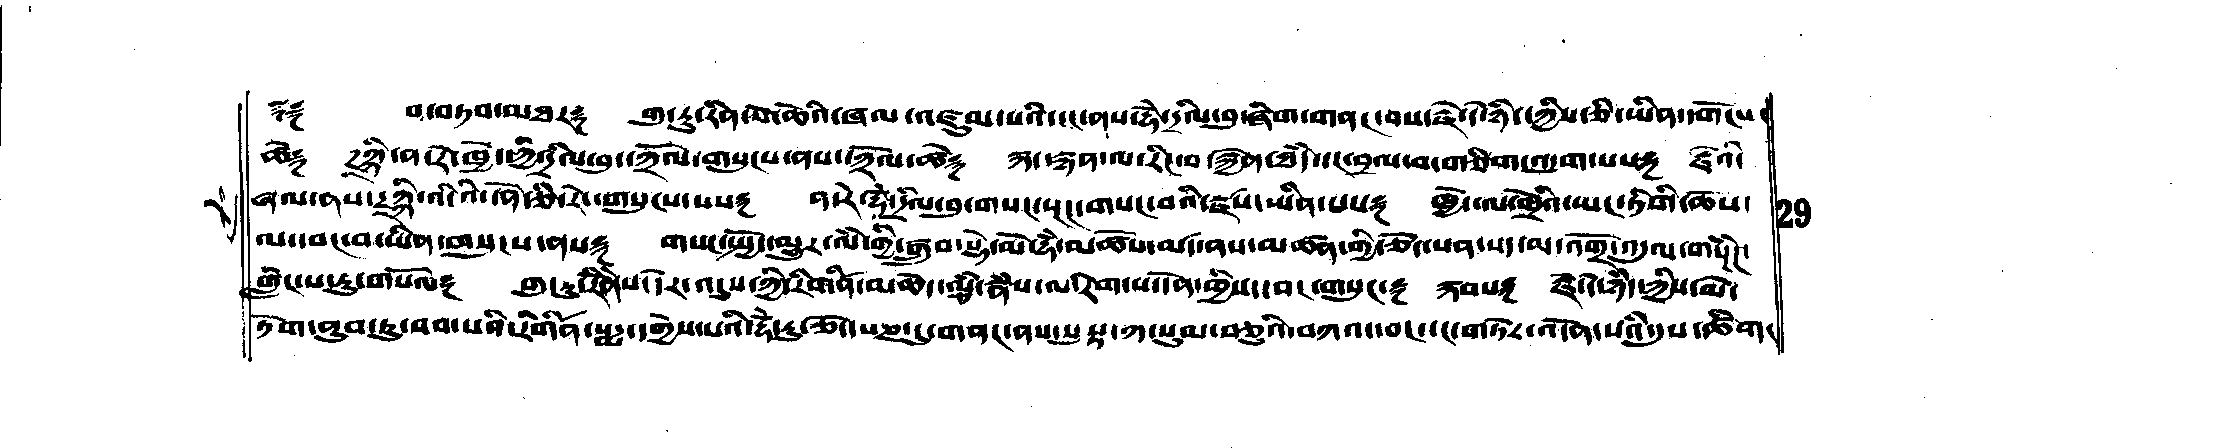བ་བཏབ་མཐར། གུ་རུ་རིན་པོ་ཆེའི་ཞལ་འཛུམ་པའི་ངང་ནས་རྡོ་རྗེ་དྲིལ་བུ་ཞིག་གནང་བས་རྗེ་དེ་ཉིད་ཀྱིས་ཅི་ཡིན་དགོངས་
ཚེ། ཌཱཀྐི་ན་རེ་ཁྱེད་ཀྱི་དྲིལ་བུ་དཀྲོལ་གསུངས་ནས་དཀྲོལ་ཚེ། སྐད་སྙན་ལ་རིང་བ་སྐྱོན་ཐམས་ཅད་དང་བྲལ་བ་གཅིག་འདུག་པས།རྗེའི་
ཞལ་ནས་ཌཱཀྐི་འདིའི་དོན་ཅི་རེད་གསུངས་པས། ན་རེ་རྡོ་རྗེ་དྲིལ་བུ་གསང་སྔགས་གསང་བའི་རྫས་ཡིན་པས། ཁྱེད་ལ་མཁའ་འགྲོ་ཡང་ཏིག་གི་ཆོས་
ལ་དབང་བ་ཡིན་གསུངས་ནས། གསང་སྤྱོད་མྱུར་ལམ་གྱི་སྒྲུབ་སྡེ་མོ་རྡོ་རྗེ་མཚོས་མཛད་ནས་མཚན་གྱི་ཅོད་པན་པད་མ་འགྲོ་འདུལ་གསང་སྔགས་
གླིང་པ་རུ་གསོལ། གུ་རུ་རིན་པོ་ཆེས་དེར་འདུས་ཀྱི་རིག་འཛིན་མཆེད་ལྕམ་རྣམས་ལ་རིག་པ་དོན་གྱིས་དབང་གསུང་སྐབས། རྗེ་དེ་ཉིད་ཀྱིས་མེ་
ཏོག་ནུབ་ཏུ་བབ་པས་རིག་འཛིན་པདྨ་དགྱེས་པའི་རྡོ་རྗེ་རུ་ཅོད་པཎ་དུ་གནང་ནས་པུསྟི་ཀ་སུམ་ཅུའི་བཀའ་དབང་དང་གཏེར་འདོན་པའི་དུས་ཚིག་